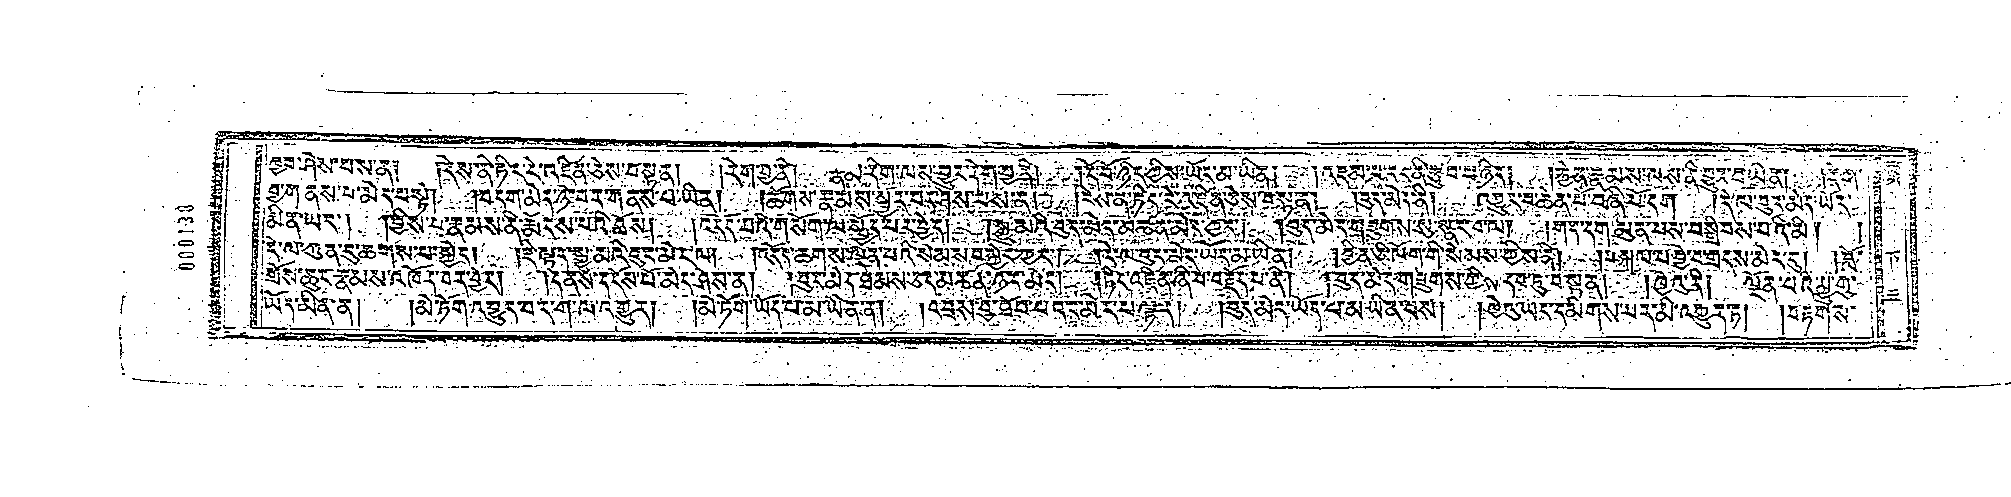ཁྱབ་ཤེས་བས་ན། །དེས་ནི་ཏིང་ངེ་འཛིན་ཅེས་བསྟན། །རེག་བྱ་ནི། རྣམ་རིག་ལས་བྱུང་རེག་བྱ་ནི། །ངོ་བོ་ཉིད་ཀྱིས་ཡོད་མ་ཡིན། །འཇམ་པ་དང་ནི་རྩུབ་པ་ཉིད། །རྐྱེན་རྣམས་ལས་ནི་བྱུང་བ་ཡིན། །རེག་
བྱ་གནས་པ་མེད་པ་སྟེ། །བདག་མེད་ཉེ་བར་གནས་པ་ཡིན། །ཚོགས་རྣམས་སྦྱོར་བར་ཤེས་པས་ན། །ངེས་ནི་ཏིང་ངེ་འཛིན་ཅེས་བསྟན། །བུད་མེད་ནི། འབྱུང་བ་ཆེན་པོ་བཞི་པོ་དག །དེ་ལ་བུར་མེད་ཡོད་
མིན་ཡང་། །བྱིས་པ་རྣམས་ནི་རྨོངས་པའི་བློས། །འདོད་པའི་གསོག་ལ་སྤྱོད་པར་བྱེད། །སྒྱུ་མའི་བུད་མེད་མཚན་མེད་ཀྱང་། །བུད་མེད་གཟུགས་སུ་སྣང་བ་ལ། །གང་དག་མུན་པས་བསྒྲིབས་པའི་མི། །
དེ་ལ་ཀུན་དུ་ཆགས་པ་སྐྱེད། །ཇི་ལྟར་སྒྱུ་མའི་བུད་མེད་ལ། །འདོད་ཆགས་ལྡན་པའི་སེམས་བསྐྱེད་ཀྱང་། །དེ་ལ་བུད་མེད་ཡོད་མ་ཡིན། །བྱིན་ཅི་ལོག་གི་སེམས་ཀྱིས་ནི། །བསྐལ་པ་བྱེ་བ་གྲངས་མེད་དུ། །བློ་
གྲོས་ཆུང་རྣམས་འཁོར་བར་བྱེད། །དེ་ནས་དངོས་པོ་མེད་ཤེས་ན། །བུད་མེད་ཐམས་ཅད་མཚན་ཉིད་མེད། །ཏིང་འཛིན་ཞི་བ་བརྗོད་པ་ནི། །བུད་མེད་གཟུགས་ཀྱིས་རབ་ཏུ་བསྟན། །ཁྱེའུ་ནི། ལྗོན་པའི་མྱུ་གུ་
ཡོད་མིན་ན། །མེ་ཏོག་འབྱུང་བར་ག་ལ་འགྱུར། །མེ་ཏོག་ཡོད་པ་མ་ཡིན་ན། །འབྲས་བུ་ཐོབ་པའང་མེད་པ་ལྟར། །བུད་མེད་ཡོད་པ་མ་ཡིན་པས། །ཁྱེའུ་ཡང་དམིགས་པར་མི་འགྱུར་ཏེ། །བརྟགས་